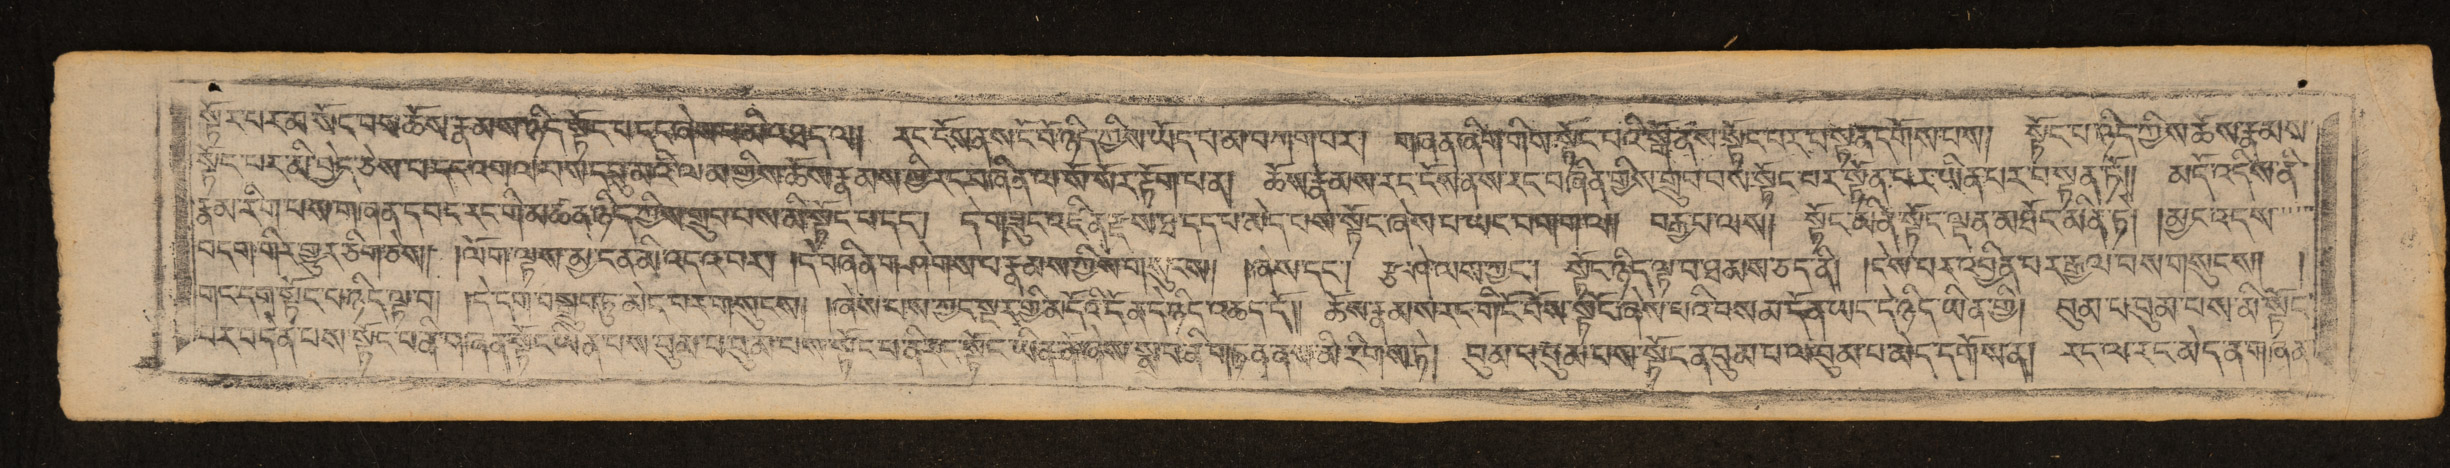སྟོང་པར་མ་སོང་བས་ཆོས་རྣམས་ཉིད་སྟོང་པ་དང་ཞེས་པ་མི་འཐད་ལ། རང་ངོས་ནས་ངོ་བོ་ཉིད་ཀྱིས་ཡོད་པ་མ་བཀག་པར། གཞན་ཞིག་གིས་སྟོང་པའི་སྒོ་ནས་སྟོང་པར་བསྟན་དགོས་པས། སྟོང་པ་ཉིད་ཀྱིས་ཆོས་རྣམས་
སྟོང་པར་མི་བྱེད་ཅེས་པ་དང་འགལ་བས་དབུ་མའི་ལམ་གྱིས་ཆོས་རྣམས་ཀྱི་རང་བཞིན་ལ་སོ་སོར་རྟོག་པ་ན། ཆོས་རྣམས་རང་ངོས་ནས་རང་བཞིན་གྱིས་གྲུབ་པས་སྟོང་པར་སྟོན་པར་ཡིན་པར་བསྟན་ཏོ།། མདོ་འདིས་ནི་
རྣམ་རིག་པས་གཞན་དབང་རང་གི་མཚན་ཉིད་ཀྱིས་གྲུབ་པས་མི་སྟོང་པ་དང་། དེ་གཟུང་འཛིན་རྫས་ཐ་དད་པ་མེད་པས་སྟོང་ཞེས་པ་ཡང་བཀག་ལ། བརྒྱ་པ་ལས། སྟོང་མིན་སྟོང་ལྡན་མཐོང་མིན་ཏེ། །མྱང་འདས་
བདག་གིར་གྱུར་ཅིག་ཅེས། །ལོག་ལྟས་མྱ་ངན་མི་འདའ་བར། །དེ་བཞིན་གཤེགས་པ་རྣམས་ཀྱིས་གསུངས། །ཞེས་དང་། རྩ་ཤེ་ལས་ཀྱང་། སྟོང་ཉིད་ལྟ་བ་ཐམས་ཅད་ནི། །ངེས་པར་འབྱིན་པར་རྒྱལ་བས་གསུངས།།
གང་དག་སྟོང་པ་ཉིད་ལྟ་བ། །དེ་དག་བསྒྲུབ་ཏུ་མེད་པར་གསུངས། །ཞེས་པས་ཀྱང་སྔར་གྱི་མདོའི་དོན་དེ་ཉིད་འཆད་དོ།། ཆོས་རྣམས་རང་གི་ངོ་བོས་སྟོང་ཞེས་པའི་བསམ་དོན་ཡང་དེ་ཉིད་ཡིན་གྱི། བུམ་པ་བུམ་པས་མི་སྟོང་
བར་བདེན་པས་སྟོང་པ་ནི་གཞན་སྟོང་ཡིན་པས་བུམ་པ་བུམ་པས་སྟོང་པ་ནི་རང་སྟོང་ཡིན་ནོ་ཞེས་སྨྲ་བ་ནི་གཏན་ནས་མི་རིགས་ཏེ། བུམ་པ་བུམ་པས་སྟོང་ན་བུམ་པ་ལ་བུམ་པ་མེད་དགོས་ན། རང་ལ་རང་མེད་ན་གཞན་